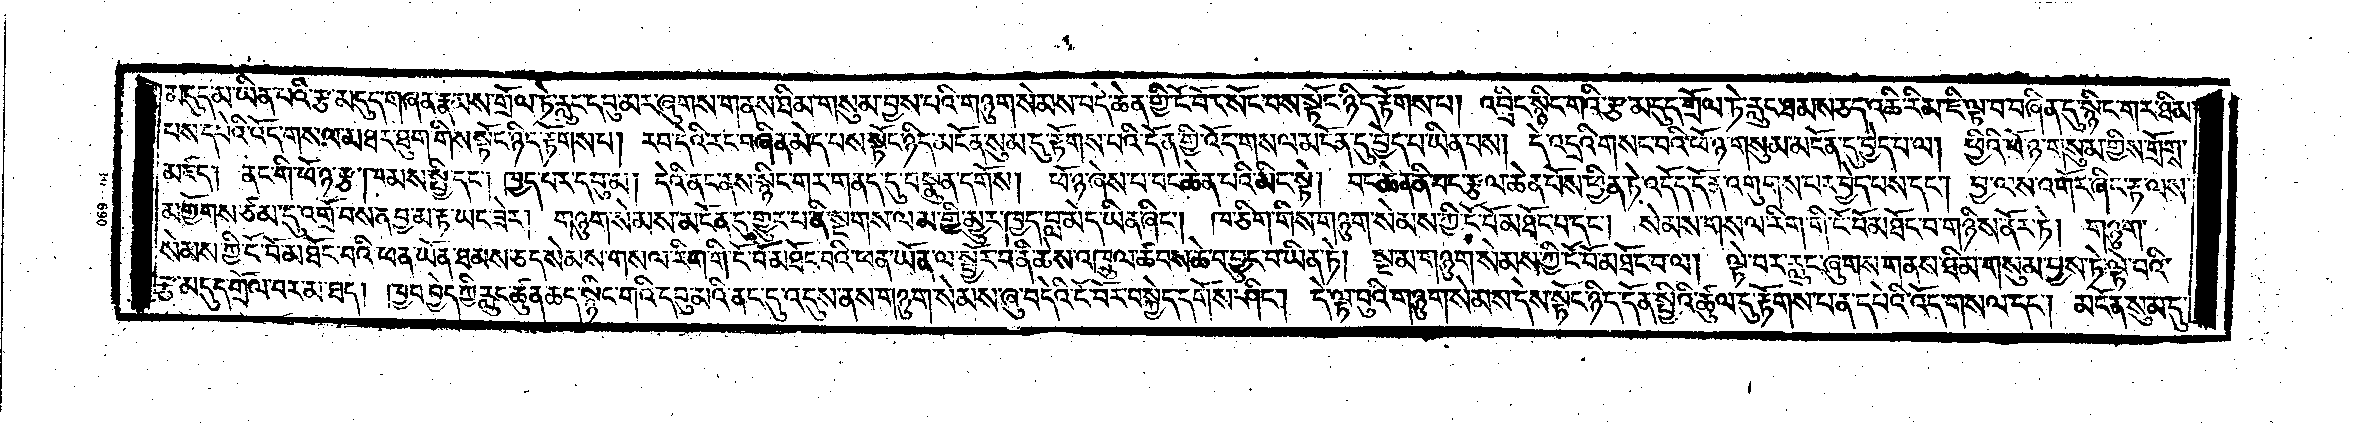མདུད་མ་ཡིན་པའི་རྩ་མདུད་གཞན་རྣམས་གྲོལ་ཏེ་རླུང་དབུ་མར་ཞུགས་གནས་ཐིམ་གསུམ་བྱས་པའི་གཉུག་སེམས་བདེ་ཆེན་གྱི་ངོ་བོར་སོང་བས་སྟོང་ཉིད་རྟོགས་པ། འབྲིང་སྙིང་གའི་རྩ་མདུད་གྲོལ་ཏེ་རླུང་ཐམས་ཅད་འཆི་རིམ་ཇི་ལྟ་བ་བཞིན་དུ་སྙིང་གར་ཐིམ་
པས་དཔེའི་འོད་གསལ་མཐར་ཐུག་གིས་སྟོང་ཉིད་རྟོགས་པ། རབ་དེའི་རང་བཞིན་མེད་པས་སྟོང་ཉིད་མངོན་སུམ་དུ་རྟོགས་པའི་དོན་གྱི་འོད་གསལ་མངོན་དུ་བྱེད་པ་ཡིན་པས། དེ་འདྲའི་གསང་བའི་ཕོ་ཉ་གསུམ་མངོན་དུ་བྱེད་པ་ལ། ཕྱིའི་ཕོ་ཉ་གསུམ་གྱིས་གྲོགས་
མཛད། ནང་གི་ཕོ་ཉ་རྩ་ཁམས་སྤྱི་དང་། ཁྱད་པར་དབུ་མ། དེའི་ནང་ནས་སྙིང་གར་གནད་དུ་བསྣུན་དགོས། ཕོ་ཉ་ཞེས་པ་བང་ཆེན་པའི་མིང་སྟེ། བང་ཆེན་ནི་བང་རྩལ་ཆེན་པོས་ཕྱིན་ཏེ་འདོད་དོན་འགུགས་བར་བྱེད་པས་དང་། བྱ་ལས་འགོར་ཞིང་རྟ་ལས་
མགྱོགས་ཙམ་དུ་འགྲོ་པས་ན་བྱ་མ་རྟ་ཡང་ཟེར། གཉུག་སེམས་མངོན་དུ་གྱུར་བ་ནི་སྔགས་ལམ་གྱི་མྱུར་ཁྱད་བླ་མེད་ཡིན་ཞིང་། ཁ་ཅིག་གིས་གཉུག་སེམས་ཀྱི་ངོ་བོ་མཐོང་བ་དང་། སེམས་གསལ་རིག་གི་ངོ་བོ་མཐོང་བ་གཉིས་ནོར་ཏེ། གཉུག་
སེམས་ཀྱི་ངོ་བོ་མཐོང་བའི་ཕན་ཡོན་ཐམས་ཅད་སེམས་གསལ་རིག་གི་ངོ་བོ་མཐོང་བའི་ཕན་ཡོན་ལ་སྦྱོར་བ་ནི་ཆེས་འཁྲུལ་ཚབས་ཆེ་བ་བྱུང་བ་ཡིན་ཏེ། སྔ་མ་གཉུག་སེམས་ཀྱི་ངོ་བོ་མཐོང་བ་ལ། ལྟེ་བར་རླུང་ཞུགས་གནས་ཐིམ་གསུམ་བྱས་ཏེ་ལྟེ་བའི་
རྩ་མདུད་གྲོལ་བར་མ་ཟད། ཁྱབ་བྱེད་ཀྱི་རླུང་ཚུན་ཆད་སྙིང་གའི་དབུ་མའི་ནང་དུ་འདུས་ནས་གཉུག་སེམས་ཞུ་བདེའི་ངོ་བོར་བསྐྱེད་དགོས་ཤིང་། དེ་ལྟ་བུའི་གཉུག་སེམས་དེས་སྟོང་ཉིད་དོན་སྤྱིའི་ཚུལ་དུ་རྟོགས་པ་ན་དཔེའི་འོང་གསལ་དང་། མངོན་སུམ་དུ་